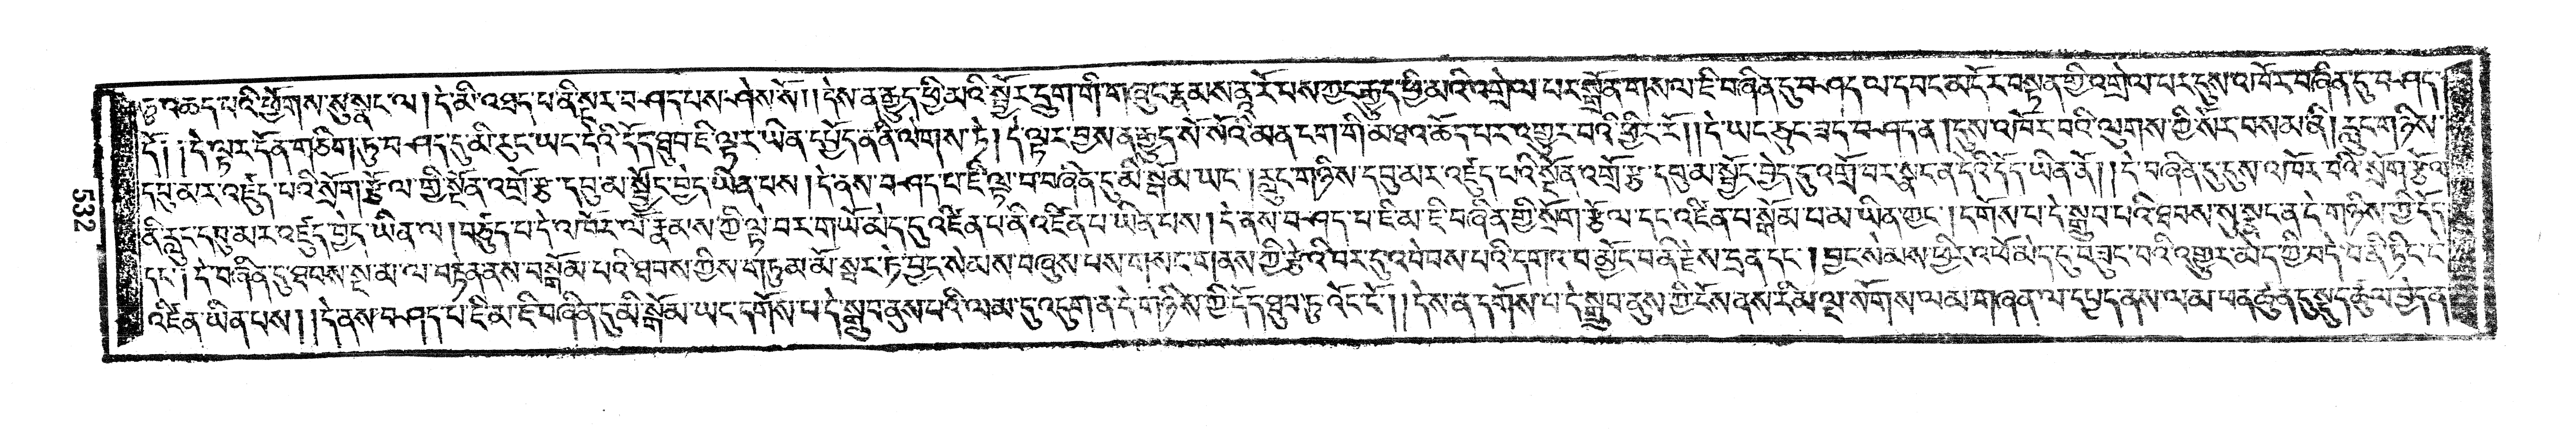ཏུ་འཆད་པའི་ཕྱོགས་སུ་སྣང་ལ། དེ་མི་འཐད་པ་ནི་སྔར་བཤད་པས་ཤེས་སོ། །དེས་ན་རྒྱུད་ཕྱི་མའི་སྦྱོར་དྲུག་གི་གཞུང་རྣམས་ནཱ་རོ་པས་ཀྱང་རྒྱུད་ཕྱི་མའི་འགྲེལ་པར་སྒྲོན་གསལ་ཇི་བཞིན་དུ་བཤད་ལ་དབང་མདོར་བསྟན་གྱི་འགྲེལ་པར་དུས་འཁོར་བཞིན་དུ་བཤད་
དོ། །དེ་ལྟར་དོན་གཅིག་ཏུ་བཤད་དུ་མི་རུང་ཡང་དེའི་དོད་ཐུབ་ཇི་ལྟར་ཡིན་དཔྱོད་ན་ནི་ལེགས་ཏེ། དེ་ལྟར་བྱས་ན་རྒྱུད་སོ་སོའི་མན་ངག་གི་མཐའ་ཆོད་པར་འགྱུར་བའི་ཕྱིར་རོ། །དེ་ཡང་ཅུང་ཟད་བཤད་ན། དུས་འཁོར་བའི་ལུགས་ཀྱི་སོར་བསམ་ནི། རླུང་གཉིས་
དབུ་མར་འཛུད་པའི་སྲོག་རྩོལ་གྱི་སྔོན་འགྲོ་རྩ་དབུ་མ་སྦྱོང་བྱེད་ཡིན་པས། དེ་ནས་བཤད་པ་ཇི་ལྟ་བ་བཞིན་དུ་མི་སྒོམ་ཡང་། རླུང་གཉིས་དབུ་མར་འཛུད་པའི་སྔོན་འགྲོ་རྩ་དབུ་མ་སྦྱོང་བྱད་དུ་འགྲོ་བར་སྣང་ན་དེའི་དོད་ཡིན་ནོ། །དེ་བཞིན་དུ་དུས་འཁོར་བའི་སྲོག་རྩོལ་
ནི་རླུང་དབུ་མར་འཛུད་བྱད་ཡིན་ལ། བཙུད་པ་དེ་འཁོར་ལོ་རྣམས་ཀྱི་ལྟེ་བར་གཡོ་མེད་དུ་འཛིན་པ་ནི་འཛིན་པ་ཡིན་པས། དེ་ནས་བཤད་པ་ཇི་མ་ཇི་བཞིན་གྱི་སྲོག་རྩོལ་དང་འཛིན་པ་སྒོམ་པ་མ་ཡིན་ཀྱང་། དགོས་པ་དེ་སྒྲུབ་པའི་ཐབས་སུ་སྣང་ན་དེ་གཉིས་ཀྱི་དོད་
དང་། དེ་བཞིན་དུ་ཐབས་སྔ་མ་ལ་བརྟེན་ནས་བསྒོམ་པའི་ཐབས་ཀྱིས་གཏུམ་མོ་སྦར་ཏེ་བྱང་སེམས་བཞུས་པས་གསང་གནས་ཀྱི་རྩེའི་བར་དུ་འབེབས་པའི་དགའ་བ་མྱོང་བ་ནི་རྗེས་དྲན་དང་། བྱང་སེམས་ཕྱིར་འཕོ་མེད་དུ་བཟུང་བའི་འགྱུར་མེད་ཀྱི་བདེ་བ་ནི་ཏིང་ངེ་
འཛིན་ཡིན་པས། །དེ་ནས་བཤད་པ་ཇི་མ་ཇི་བཞིན་དུ་མི་སྒོམ་ཡང་དགོས་པ་དེ་སྒྲུབ་ནུས་པའི་ལམ་དུ་འདུག་ན་དེ་གཉིས་ཀྱི་དོད་ཐུབ་ཏུ་འོང་ངོ། །དེས་ན་དགོས་པ་དེ་སྒྲུབ་ནུས་ཀྱི་ངོས་ནས་རིམ་ལྔ་སོགས་ལམ་གཞན་ལ་དཔྱད་ནས་ལམ་ཕན་ཚུན་དུ་སྡུད་ཚུལ་བྱེད་ན་